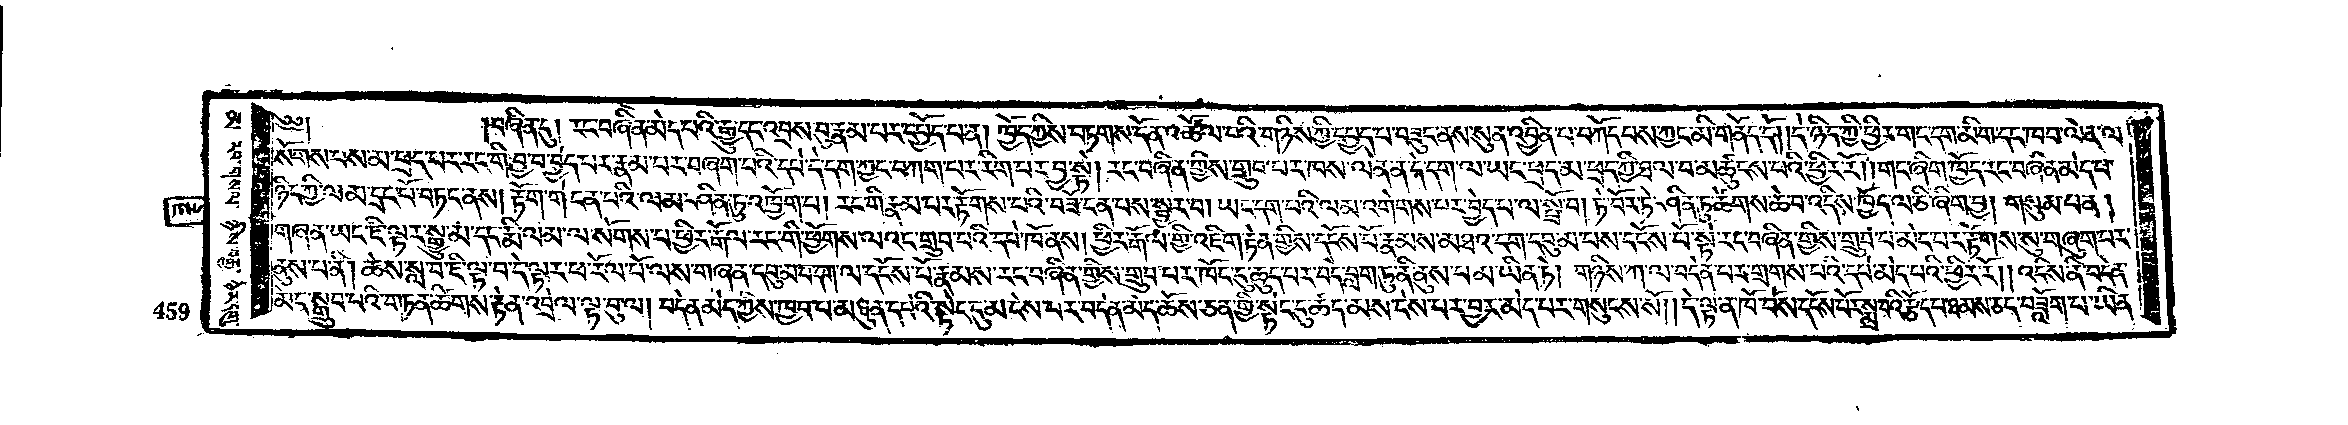༄༅། །བཞིན་དུ། རང་བཞིན་མེད་པའི་རྒྱུ་དང་འབྲས་བུ་རྣམ་པར་དཔྱོད་པ་ན། ཁྱོད་ཀྱིས་བཏགས་དོན་འཚོལ་བའི་གཉིས་ཀྱི་དཔྱད་པ་བཟུང་ནས་སུན་འབྱིན་པ་བཀོད་པས་ཀྱང་མི་གནོད་དོ། །དེ་ཉིད་ཀྱི་ཕྱིར་གང་དག་མིག་དང་ཁབ་ལེན་ལ།
སོགས་པས་མ་ཕྲད་པར་རང་གི་བྱ་བ་བྱེད་པར་རྣམ་པར་བཞག་པའི་དཔེ་དེ་དག་ཀྱང་བཀག་པར་རིག་པར་བྱ་སྟེ། རང་བཞིན་གྱིས་གྲུབ་པར་ཁས་ལེན་ན་དེ་དག་ལ་ཡང་ཕྲད་མ་ཕྲད་ཀྱི་ཐལ་བ་མཚུངས་པའི་ཕྱིར་རོ། །གང་ཞིག་ཁྱོད་རང་བཞིན་མེད་པ་
ཉིད་ཀྱི་ལམ་དྲང་པོ་བཏང་ནས། རྟོག་གེ་ངན་པའི་ལམ་ཤིན་ཏུ་འཁྱོག་པ། རང་གི་རྣམ་པར་རྟོགས་པའི་བཟོ་ངན་པས་སྦྱར་བ། ཡང་དག་པའི་ལམ་འགེགས་པར་བྱེད་པ་ལ་སྤྲོ་བ། ཏེ་བོར་ཏེ་ཤིན་ཏུ་ཚོགས་ཆེ་བ་འདིས་ཁྱོད་ལ་ཅི་ཞིག་བྱ། གསུམ་པ་ནི།
གཞན་ཡང་ཇི་ལྟར་སྒྱུ་མ་དང་རྨི་ལམ་ལ་སོགས་པ་ཕྱིར་རྒོལ་རང་གི་ཕྱོགས་ལའང་གྲུབ་པའི་དཔེ་ཁོ་ནས། ཕྱིར་རྒོལ་གྱི་འཇིག་རྟེན་གྱིས་དངོས་པོ་རྣམས་མཐའ་དག་དབུ་མ་པས་དངོས་པོ་སྟེ་རང་བཞིན་གྱིས་གྲུབ་པ་མེད་པར་རྟོགས་སུ་གཞུག་པར་
ནུས་པ་ནི། ཆེས་སླ་བ་ཇི་ལྟ་བ་དེ་ལྟར་ཕ་རོལ་པོ་ལས་གཞན་དབུ་མ་པ་དག་ལ་དངོས་པོ་རྣམས་རང་བཞིན་གྱིས་གྲུབ་པར་ཁོང་དུ་ཆུད་པར་བདེ་བླག་ཏུ་ནི་ནུས་པ་མ་ཡིན་ཏེ། གཉིས་ཀ་ལ་བདེན་པར་གྲགས་པའི་དཔེ་མེད་པའི་ཕྱིར་རོ། །འདིས་ནི་བདེན་
མེད་སྒྲུབ་པའི་གཏན་ཚིགས་རྟེན་འབྲེལ་ལྟ་བུ་ལ། བདེན་མེད་ཀྱིས་ཁྱབ་པ་མཐུན་དཔེའི་སྟེང་དུ་མ་ངེས་པར་བདེན་མེད་ཆོས་ཅན་གྱི་སྟེང་དུ་ཚད་མས་ངེས་པར་བྱར་མེད་པར་གསུངས་སོ། །དེ་ལྟ་ན་ཁོ་བོས་དངོས་པོར་སྨྲ་བའི་རྩོད་པ་ཐམས་ཅད་བཟློག་པ་ཡིན་